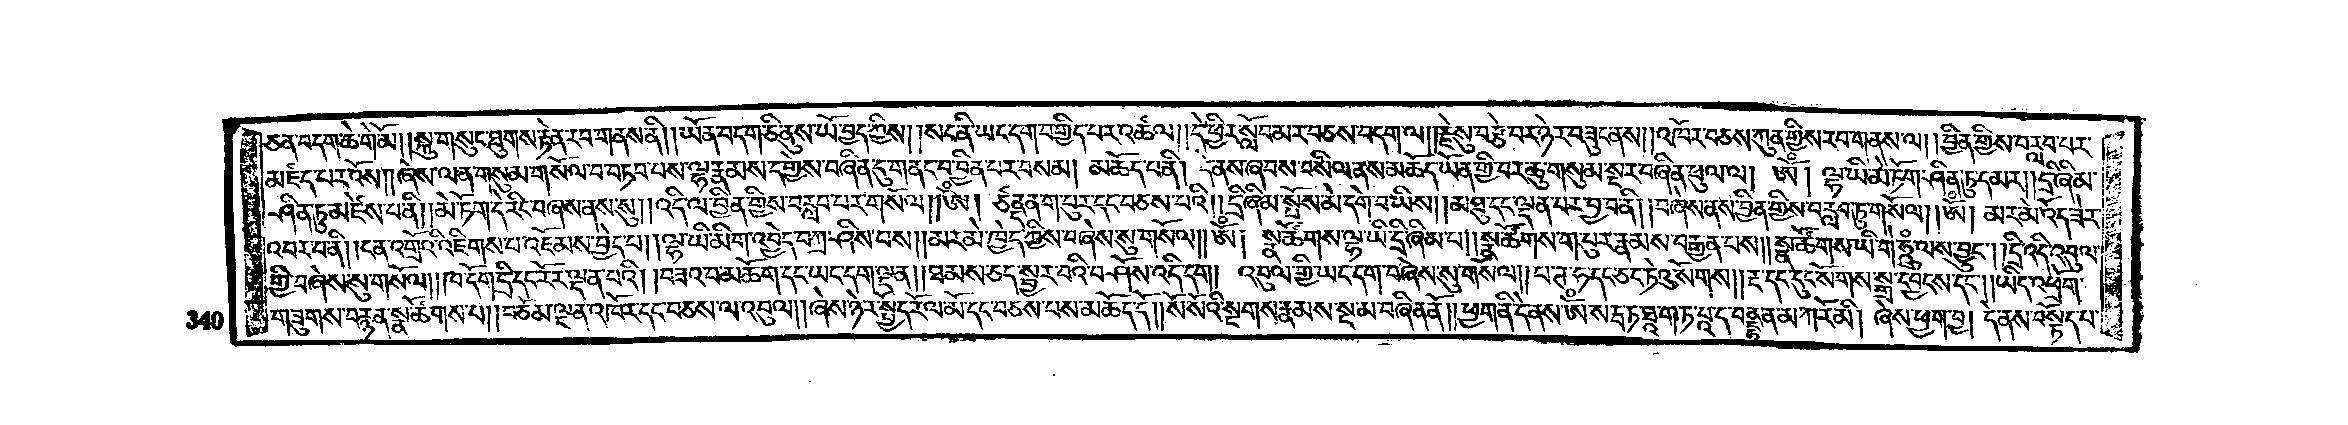ཅན་བདག་ཆེ་གེ་མོ། །སྐུ་གསུང་ཐུགས་རྟེན་རབ་གནས་ནི། །ཡོན་བདག་ཅི་ནུས་ཡོ་བྱད་ཀྱིས། །སང་ནི་ཡང་དག་བགྱིད་པར་འཚལ། །དེ་ཕྱིར་སློབ་མར་བཅས་བདག་ལ། །རྗེས་སུ་བརྩེ་བར་ཉེར་བཟུང་ནས། །འཁོར་བཅས་ཀུན་གྱིས་རབ་གནས་ལ། །བྱིན་གྱིས་བརླབ་པར་
མཛད་པར་འོས། །ཞེས་ལན་གསུམ་གསོལ་བ་བཏབ་པས་ལྷ་རྣམས་དགྱེས་བཞིན་དུ་གནང་བ་བྱིན་པར་བསམ། མཆོད་པ་ནི། དེ་ནས་ཞབས་བསིལ་ནས་མཆོད་ཡོན་གྱི་བར་ཆུ་གསུམ་སྔར་བཞིན་ཕུལ་ལ། ཨོཾ། ལྷ་ཡི་མེ་ཏོག་ཤིན་ཏུ་དམར། །དྲི་ཞིམ་
ཤིན་ཏུ་མཛེས་པ་ནི། །མེ་ཏོག་དེ་རིང་བཞེས་ནས་སུ། །འདི་ལ་བྱིན་གྱིས་བརླབ་པར་གསོལ། །ཨོཾ། ཙནྡན་ག་པུར་དང་བཅས་པའི། །དྲི་ཞིམ་སྤོས་མེ་དགེ་བ་ཡིས། །མཐུ་དང་ལྡན་པར་བྱ་བ་ནི། །བཞེས་ནས་བྱིན་གྱིས་བརླབ་ཏུ་གསོལ། །ཨོཾ། མར་མེ་འོད་ཟེར་
འབར་བ་ནི། །ངན་འགྲོའི་འཇིགས་པ་འཇོམས་བྱེད་པ། །ལྷ་ཡི་མིག་འབྱེད་བཀྲ་ཤིས་པས། །མར་མེ་ཁྱེད་ཀྱིས་བཞེས་སུ་གསོལ། །ཨོཾ། སྣ་ཚོགས་ལྷ་ཡི་དྲི་ཞིམ་པ། །སྣ་ཚོགས་ག་པུར་རྣམས་བརྒྱན་པས། །སྣ་ཚོགས་ཡི་གེ་ཧཱུཾ་ལས་བྱུང་། །དྲི་འདི་འབུལ་
གྱི་བཞེས་སུ་གསོལ། །ཁ་དོག་དྲི་དང་རོར་ལྡན་པའི། །བཟའ་བ་མཆོག་དང་ཡང་དག་ལྡན། །ཐམས་ཅད་སྦྱར་བའི་བཤོས་འདི་དག། འབུལ་གྱི་ཡང་དག་བཞེས་སུ་གསོལ། །པ་ཊ་ཧ་དང་ཅང་ཏེའུ་སོགས། །རྔ་དང་དུང་སོགས་སྒྲ་དབྱངས་དང་། །ཡིད་འཕྲོག་
གཟུགས་བརྙན་སྣ་ཚོགས་པ། །བཅོམ་ལྡན་འཁོར་དང་བཅས་ལ་འབུལ། །ཞེས་ཉེར་སྤྱོད་རོལ་མོ་དང་བཅས་པས་མཆོད་དོ། །སོ་སོའི་སྔགས་རྣམས་སྔ་མ་བཞིན་ནོ། །ཕྱག་ནི་དེ་ནས་ཨོཾ་སརྦ་ཏ་ཐཱ་ག་ཏ་པཱ་ད་བནྡྷ་ན་མ་ཀ་རོ་མི། ཞེས་ཕྱག་བྱ། དེ་ནས་བསྟོད་པ་